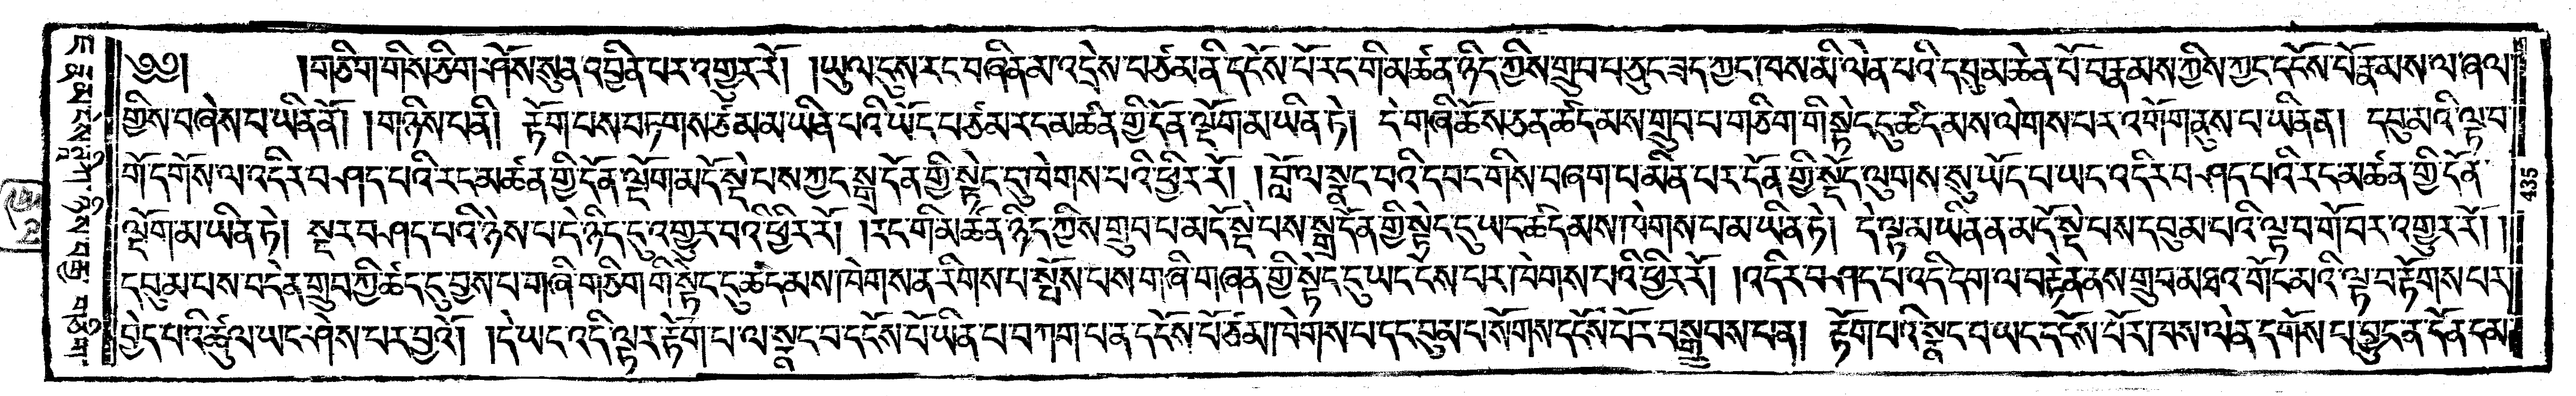༄༅། །གཅིག་གིས་ཅིག་ཤོས་སུན་འབྱིན་པར་འགྱུར་རོ། །ཡུལ་དུས་རང་བཞིན་མ་འདྲེས་པ་ཙམ་ནི་དངོས་པོ་རང་གི་མཚན་ཉིད་ཀྱིས་གྲུབ་པ་ཅུང་ཟད་ཀྱང་ཁས་མི་ལེན་པའི་དབུ་མ་ཆེན་པོ་པ་རྣམས་ཀྱིས་ཀྱང་དངོས་པོ་རྣམས་ལ་ཞལ་
གྱིས་བཞེས་པ་ཡིན་ནོ། །གཉིས་པ་ནི། རྟོག་པས་བཏགས་ཙམ་མ་ཡིན་པའི་ཡོད་པ་ཙམ་རང་མཚན་གྱི་དོན་ལྡོག་མ་ཡིན་ཏེ། དེ་གཞི་ཆོས་ཅན་ཚད་མས་གྲུབ་པ་གཅིག་གི་སྟེང་དུ་ཚད་མས་ལེགས་པར་འགོག་ནུས་པ་ཡིན་ན། དབུ་མའི་ལྟ་བ་
གོ་དགོས་ལ་འདིར་བཤད་པའི་རང་མཚན་གྱི་དོན་ལྡོག་མདོ་སྡེ་པས་ཀྱང་སྒྲ་དོན་གྱི་སྟེང་དུ་ཁེགས་པའི་ཕྱིར་རོ། །བློ་ལ་སྣང་བའི་དབང་གིས་བཞག་པ་མིན་པར་དོན་གྱི་སྡོད་ལུགས་སུ་ཡོད་པ་ཡང་འདིར་བཤད་པའི་རང་མཚན་གྱི་དོན་
ལྡོག་མ་ཡིན་ཏེ། སྔར་བཤད་པའི་ཉེས་པ་དེ་ཉིད་དུ་འགྱུར་བའི་ཕྱིར་རོ། །རང་གི་མཚན་ཉིད་ཀྱིས་གྲུབ་པ་མདོ་སྡེ་པས་སྒྲ་དོན་གྱི་སྟེང་དུ་ཡང་ཚད་མས་ཁེགས་པ་མ་ཡིན་ཏེ། དེ་ལྟ་མ་ཡིན་ན་མདོ་སྡེ་པས་དབུ་མ་པའི་ལྟ་བ་གོ་བར་འགྱུར་རོ། །
དབུ་མ་པས་བདེན་གྲུབ་ཀྱི་ཚད་དུ་བྱས་པ་གཞི་གཅིག་གི་སྟེང་དུ་ཚད་མས་ཁེགས་ན་རིགས་པ་སྤོས་པས་གཞི་གཞན་གྱི་སྟེང་དུ་ཡང་ངེས་པར་ཁེགས་པའི་ཕྱིར་རོ། །འདིར་བཤད་པ་འདི་དག་ལ་བརྟེན་ནས་གྲུབ་མཐའ་གོང་མའི་ལྟ་བ་རྟོགས་པར་
བྱེད་པའི་ཚུལ་ཡང་ཤེས་པར་བྱའོ། །དེ་ཡང་འདི་ལྟར་རྟོག་པ་ལ་སྣང་བ་དངོས་པོ་ཡིན་པ་བཀག་པ་ན་དངོས་པོ་ཙམ་ཁེགས་པ་དང་བུམ་པ་སོགས་དངོས་པོར་བསྒྲུབས་པ་ན། རྟོག་པའི་སྣང་བ་ཡང་དངོས་པོར་ཁས་ལེན་དགོས་པ་བྱུང་ན་དོན་དམ་